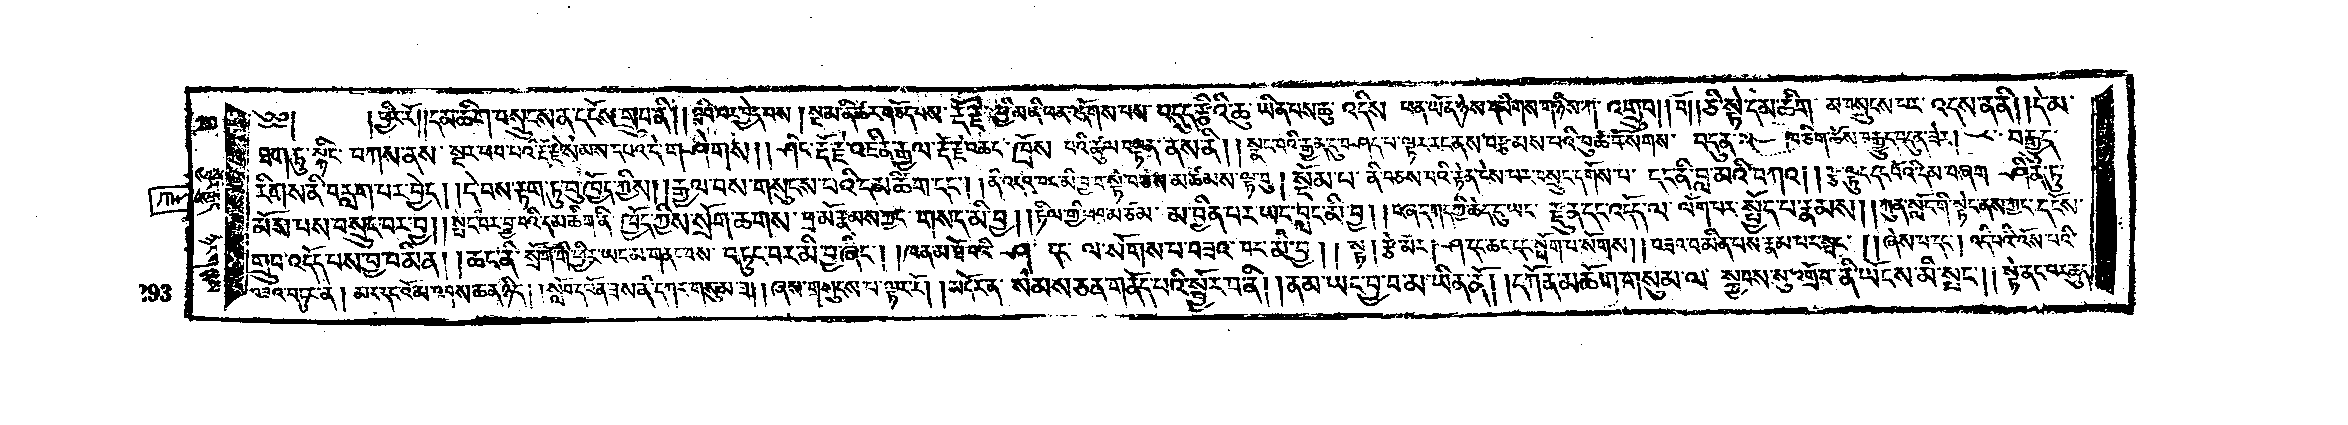༄༅། །ཕྱིར་རོ། །དམ་ཚིག་བསྲུངས་ན་དངོས་གྲུབ་ནི། །ཐོབ་པར་བྱེད་པས། སྔ་མ་ནི་ཚར་གཅོད་པས་རྡོ་རྗེ་ཕྱི་མ་ནི་ཕན་འདོགས་པས་བདུད་རྩིའི་ཆུ་ཡིན་པས་ཆུ་འདིས་ཕན་ཡོན་ཉེས་དམིགས་གཉིས་ཀ་འགྲུབ། །བོ། །ཅི་སྟེ་དམ་ཚིག་མ་བསྲུངས་པར་འདས་ན་ནི། །དེ་མ་
ཐག་ཏུ་སྙིང་བཀས་ནས་སྔར་ཕབ་པའི་རྡོ་རྗེ་སེམས་དཔའ་དེ་གཤེགས། །ཤིང་རྡོ་རྗེ་འཛིན་རྒྱལ་རྡོ་རྗེ་འཆང་ཁྲོས་པའི་ཚུལ་བསྟན་ནས་ནི། །སྣང་བའི་རྒྱན་དུ་བཤད་པ་ལྟར་རང་ནས་བརྩམས་པའི་བུ་ཚ་བོ་སོགས་བདུན་ཁ་ཅིག་ཆོས་བརྒྱུད་བདུན་ཟེར།  བརྒྱུད་
རིགས་ནི་བརླག་པར་བྱེད། །དེ་བས་རྟག་ཏུ་བུ་ཁྱོད་ཀྱིས། །རྒྱལ་བས་གསུངས་པའི་དམ་ཚིག་དང་། །ནི་འདའ་བར་མི་བྱ་བ་སྟེ་བཅས་མཚམས་ལྟ་བུ།  སྡོམ་པ་ནི་བཅས་པའི་རྟེན་ངེས་པར་བསྲུང་དགོས་པ་དང་ནི་བླ་མའི་བཀའ། །རྩ་ལྟུང་དང་པོའི་དམ་བཞག་ཤིན་ཏུ་
མོས་པས་བསྲུང་བར་བྱ། །སྤང་བར་བྱ་བའི་དམ་ཚིག་ནི་ཁྱོད་ཀྱིས་སྲོག་ཆགས་ཕྲ་མོ་རྣམས་ཀྱང་གསད་མི་བྱ། །ཏིལ་གྱི་ཕུབ་མ་ཙམ་མ་བྱིན་པར་ཡང་བླང་མི་བྱ། །བཞད་གད་ཀྱི་ཆེད་དུ་ཡང་རྫུན་དང་འདོད་ལ་ལོག་པར་སྤྱོད་པ་རྣམས། །ཀུན་སློང་གི་སྟེང་ནས་ཀྱང་དངོས་
གྲུབ་འདོད་པས་བྱ་བ་མིན། །ཆང་ནི་སྲོག་གི་ཕྱིར་ཡང་མ་གནང་བས་བཏུང་བར་མི་བྱ་ཞིང་། །ཁ་ན་མ་ཐོ་བའི་ཤ་དང་ལ་སོགས་པ་བཟའ་བར་མི་བྱ། །སྟ། རྩེ་མོར། ཤ་དང་ཆང་དང་སྒོག་པ་སོགས། །བཟའ་བ་མིན་པས་རྣམ་པར་སྤང་། །ཞེས་པ་དང་། འདི་པའི་འོས་པའི་
བཟའ་བཏུང་ནི། མར་དང་འོ་མ་འབྲས་ཆན་ཉིད། །སློབ་དཔོན་ཟས་ནི་དཀར་གསུམ་ཟ། །ཞེས་གསུངས་པ་ལྟར་རོ། །མདོར་ན་སེམས་ཅན་གནོད་པའི་སྦྱོར་བ་ནི། །ནམ་ཡང་བྱ་བ་མ་ཡིན་ནོ། །དཀོན་མཆོག་གསུམ་ལ་སྐྱབས་སུ་འགྲོ་བ་ནི་ཡོངས་མི་སྤང་། །སྟེ་ནང་པར་ཆུད་